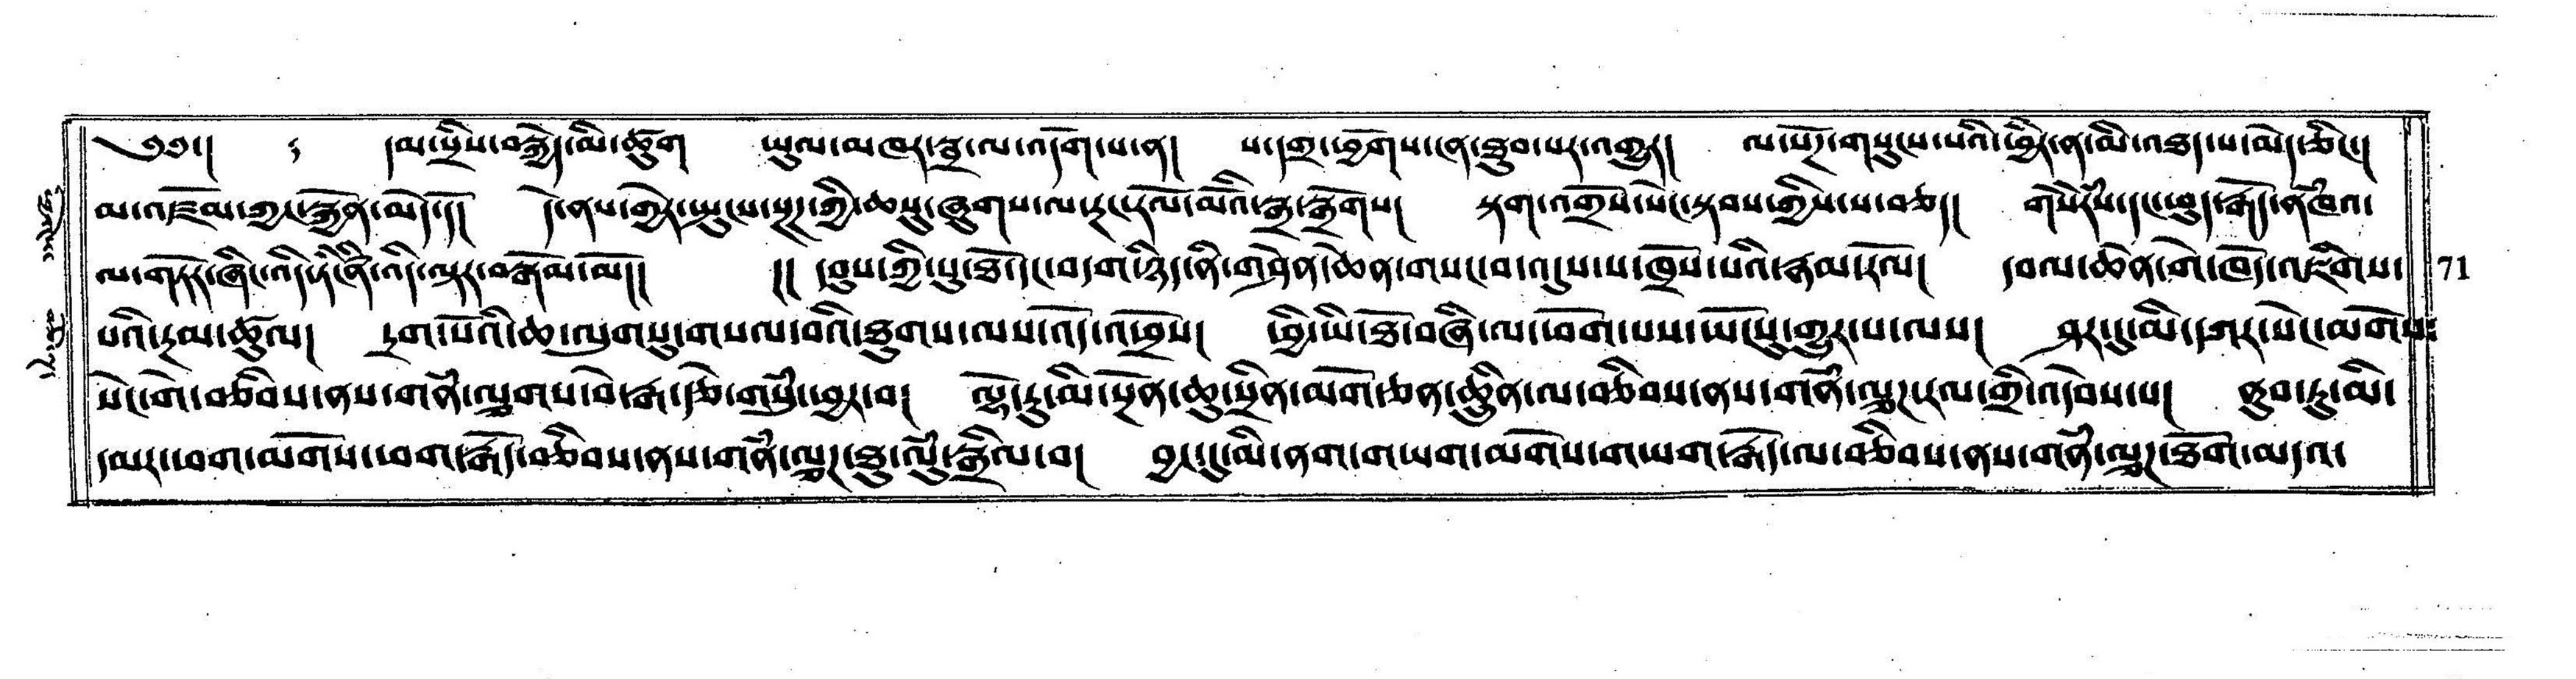དམ་སྲིས་བསྐྱེད་མི་ཚུག ཡུལ་མཁར་སྦྲ་ལ་འདོག་པ་ན། ས་དགྲ་ཕྱོགས་ངན་ཐུབ་པར་འགྱུར། ལ་སོགས་གསུངས་པའི་ཕྱིར་ན་མི་འཐད་པ་མེད་ཅིང་། 
མ་འཛོམ་ཀྱང་སྐྱོན་མེད་དོ། དེ་ནས་གྱེར་སྤུངས་སྔགས་ཀྱི་ཆས་སུ་ཞུགས་ལ་རྔ་གཤང་རོལ་མོའི་སྒྲ་སྒྲོགས། སྟག་འགྲོས་སེང་སྟབས་ཀྱིས་ས་བཅད། གསེར་སྐྱེམས་དང་ཕུད་རྒོད་ནམ་མཁའ་
ལ་གཏོར་ཞིང་ཏིང་འཛིན་འདི་ལྟར་བསྒོམ་མོ།། །།དབུས་ཀྱི་པུ་ཐོ་དང་བདག་ཉིད་ནི་གཤེན་ཆེན་གསང་བ་འདུས་པ་ཁྲོས་པའི་རྣམ་རོལ། དབལ་ཆེན་གེ་ཁོད་འཇིགས་
པའི་རྔམ་ཚུལ། དྲག་པོའི་ཆ་ལུགས་སུ་གསལ་བའི་ཐུགས་ལས་འོད་འཕྲོས། ཕྱི་ཡི་ཐོ་བཞི་ལ་ཕོག་པས་ཡོངས་སུ་གྱུར་པ་ལས། ཤར་དུ་མི་དཀར་སེང་མགོས་
སེང་གེ་བཅིབས་ནས་གནམ་ལྕགས་བེ་རྒ་རྩེ་གསུམ་ཕྱར་བ། ལྷོ་རུ་མི་སྔོན་ཆུ་སྲིན་མགོ་ཅན་ཆུ་སྲིན་ལ་བཅིབས་ནས་གནམ་ལྕགས་རལ་གྲི་འདེབས་པ། ནུབ་ཏུ་མི་
དམར་ཕག་མགོས་ཕག་རྒོད་བཅིབས་ནས་གནམ་ལྕགས་ཐུ་ལུམ་སྒྲིལ་བ། བྱང་དུ་མི་ནག་གཡག་མགོས་གཡག་རྒོད་ལ་བཅིབས་ནས་གནམ་ལྕགས་ཐོག་མདའ་